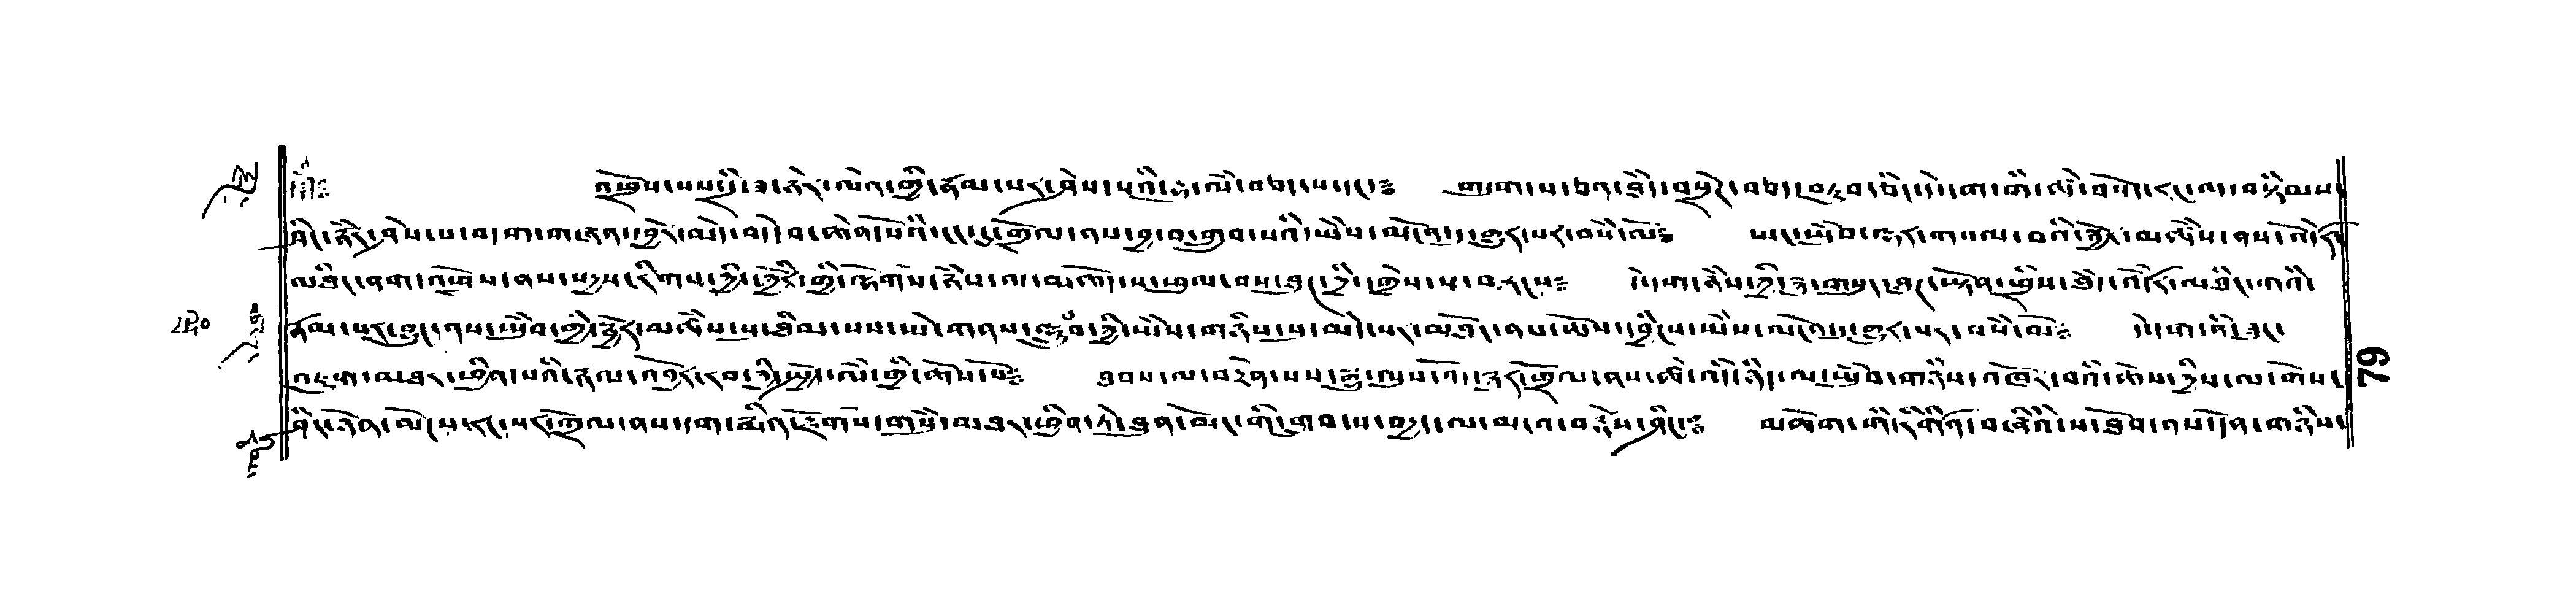འཕྲོས་པས་དྲི་ཟ་ཉེར་ལེན་གྱི་རྣམ་པར་ཤེས་པའི་རྒྱུ་ལམ་བཅད་པ་དང༔ གདུག་པ་ཅན་ཐམས་ཅད་བསྲེགས་བཅད་བཏུབ་ཅིང་དེ་དག་གི་ཚེ་བསོད་རང་ལ་བསྟིམས་
ཤིང་རྣམ་པར་ཤེས་པ་བདག་གཞན་དབྱེར་མེད་བདེ་བ་ཆེན་པོའི་ངང་དུ་གྲོལ་ནས་བྱ་བ་གྲུབ་པའི་ཡེ་ཤེས་མངོན་དུ་གྱུར་པར་བསམ་མོ༔ ཡང་ཡབ་ཡུམ་ལྷར་གསལ་བའི་སྦྱོར་མཚམས་ནས་འོད་ཟེར་
མཐིང་ནག་འཕྲོས་ནས་སངས་རྒྱས་རིགས་ཀྱི་དཀྱིལ་འཁོར་གྱི་ལྷ་ཚོགས་རྣམས་ལ་མཆོད་པ་ཕུལ་བས་ཐུགས་ཀྱི་དགྱེས་པ་བསྐངས༔ དེ་དག་རྣམས་ཀྱི་སྐུ་གསུང་ཐུགས་ཡོན་ཏན་ཕྲིན་ལས་ཐམས་ཅད་འོད་ཟེར་མཐིང་གའི་
རྣམ་པར་བྱུང་ནས་ཡབ་ཡུམ་གྱི་སྦྱོར་མཚམས་སུ་ཐིམ་པས་ཡེ་གནས་ལྷུན་གྲུབ་ཀྱི་ཡེ་ཤེས་གཉིས་སུ་མེད་པར་མཐོང་ནས་ཆོས་དབྱིངས་ཡེ་ཤེས་མངོན་དུ་གྱུར་པར་བསམ་མོ༔ དེ་དག་ནི་ཟུང་
འཇུག་མཐར་ཕྱིན་པའི་རྣལ་འབྱོར་རབ་ཀྱི་སྤྱོད་ལམ་གྱི་ཆོས་སོ༔ ཐབས་ལ་བརྟེན་པས་སྒྱུ་ལུས་འོད་སྐུར་གྲོལ་ནས་ཚེ་འདི་ཉིད་ལ་ཡབ་ཡུམ་གཉིས་འཁོར་བའི་ཆོས་ཀྱིས་མ་གོས་
ཤིང་ཉོན་མོངས་རང་སར་གྲོལ་ནས་དག་སྨིན་རྫོགས་གསུམ་མཐར་ཕྱིན་ཏེ་ཐུན་མོང་གི་གྲུབ་པ་བརྒྱད་ལ་མངའ་བརྙེས་ཤིང༔ མཆོག་གི་རིག་འཛིན་བཞིའི་ས་ཐོབ་ནས་དོན་གཉིས་